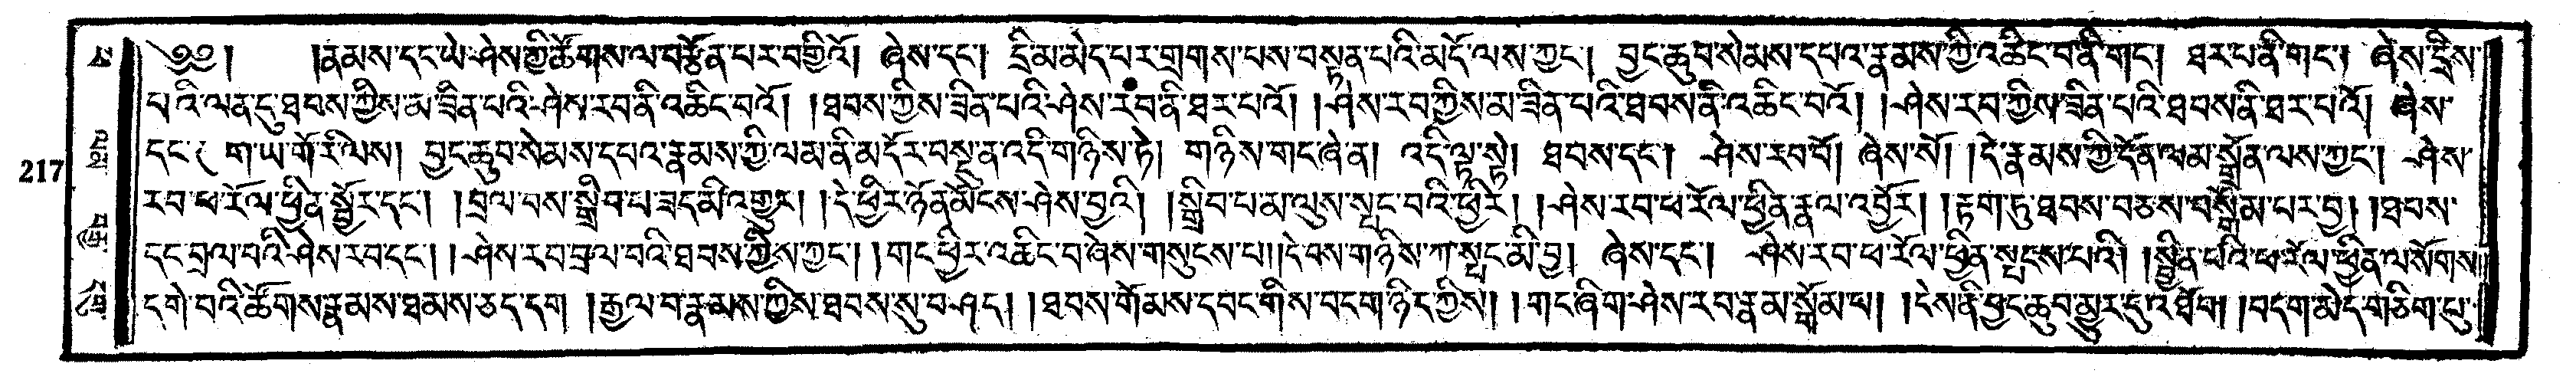༄༅། །ནམས་དང་ཡེ་ཤེས་ཀྱི་ཚོགས་ལ་བརྩོན་པར་བགྱིའོ། ཞེས་དང་། དྲི་མ་མེད་པར་གྲགས་པས་བསྟན་པའི་མདོ་ལས་ཀྱང་། བྱང་ཆུབ་སེམས་དཔའ་རྣམས་ཀྱི་འཆིང་བ་ནི་གང་། ཐར་པ་ནི་གང་། ཞེས་དྲིས་
པའི་ལན་དུ་ཐབས་ཀྱིས་མ་ཟིན་པའི་ཤེས་རབ་ནི་འཆིང་བའོ། །ཐབས་ཀྱིས་ཟིན་པའི་ཤེས་རབ་ནི་ཐར་པའོ། །ཤེས་རབ་ཀྱིས་མ་ཟིན་པའི་ཐབས་ནི་འཆིང་བའོ། །ཤེས་རབ་ཀྱིས་ཟིན་པའི་ཐབས་ནི་ཐར་པའོ། ཞེས་
དང་༑ ག་ཡ་གོ་རི་ལས། བྱང་ཆུབ་སེམས་དཔའ་རྣམས་ཀྱི་ལམ་ནི་མདོར་བསྡུ་ན་འདི་གཉིས་ཏེ། གཉིས་གང་ཞེ་ན། འདི་ལྟ་སྟེ། ཐབས་དང་། ཤེས་རབ་བོ། ཞེས་སོ། །དེ་རྣམས་ཀྱི་དོན་ལམ་སྒྲོན་ལས་ཀྱང་། ཤེས་
རབ་ཕ་རོལ་ཕྱིན་སྦྱོར་དང་། །བྲལ་བས་སྒྲིབ་པ་ཟད་མི་འགྱུར། །དེ་ཕྱིར་ཉོན་མོངས་ཤེས་བྱའི། །སྒྲིབ་པ་མ་ལུས་སྤང་བའི་ཕྱིར། །ཤེས་རབ་ཕ་རོལ་ཕྱིན་རྣལ་འབྱོར། །རྟག་ཏུ་ཐབས་བཅས་བསྒོམ་པར་བྱ། །ཐབས་
དང་བྲལ་བའི་ཤེས་རབ་དང་། །ཤེས་རབ་བྲལ་བའི་ཐབས་ཀྱིས་ཀྱང་། །གང་ཕྱིར་འཆིང་བ་ཞེས་གསུངས་པ། །དེ་བས་གཉིས་ཀ་སྤང་མི་བྱ། ཞེས་དང་། ཤེས་རབ་ཕ་རོལ་ཕྱིན་སྤངས་པའི། །སྦྱིན་པའི་ཕ་རོལ་ཕྱིན་ལ་སོགས་
དགེ་བའི་ཚོགས་རྣམས་ཐམས་ཅད་དག །རྒྱལ་བ་རྣམས་ཀྱིས་ཐབས་སུ་བཤད། །ཐབས་གོམས་དབང་གིས་བདག་ཉིད་ཀྱིས། །གང་ཞིག་ཤེས་རབ་རྣམ་སྒོམ་པ། །ངེས་ནི་བྱང་ཆུབ་མྱུར་དུ་འཐོབ། །བདག་མེད་གཅིག་པུ་